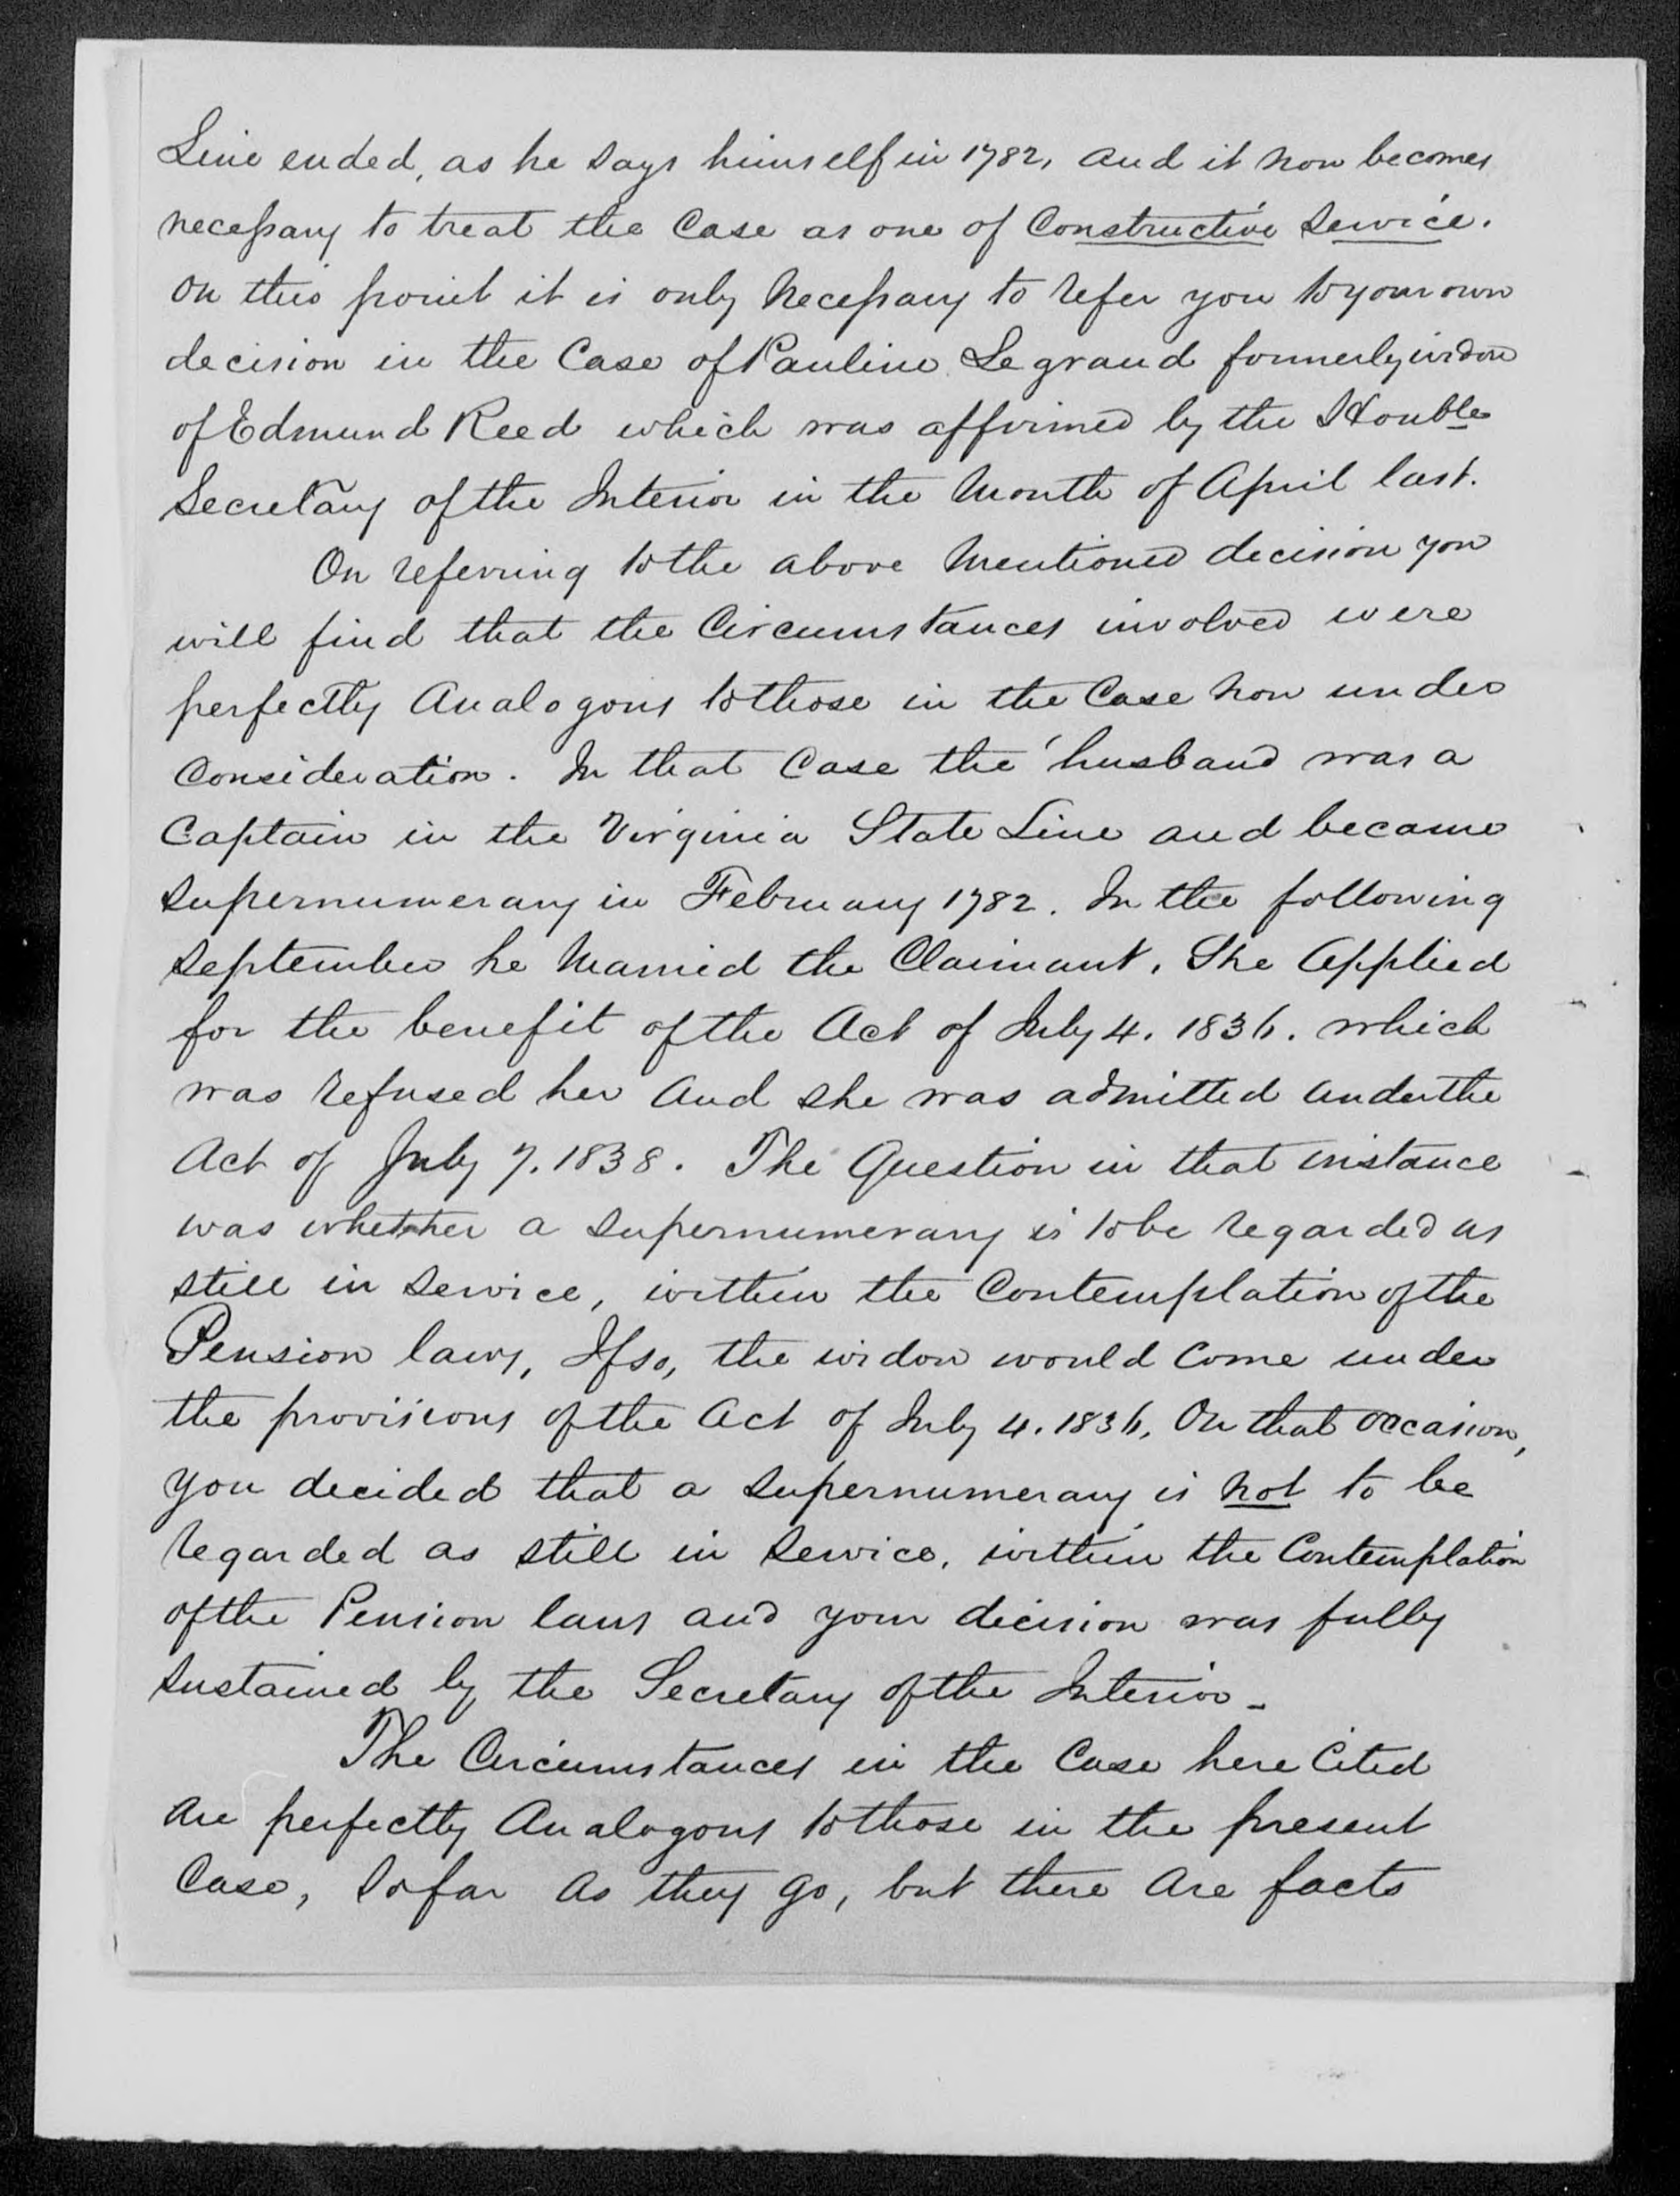Line ended, as he says himself in 1782, And it now becomes necessary to treat the Case as one of Constructive Service. On this front is it only Necessary to refer you by your own decision in the Case of Pauline Legrand formerly widow of Edmund Reed which was affirmed by the Honble Secretary of the Interior in the Month of April last.
On referring tot he above Mentioned decision you will find that the Circumstances involved were perfectly Analogous to those in the Case now under Consideration. In that Case the husband was a Captain in the Virginia State Line and became Supernumerary in February 1782. In the following September he Married the Claimant, She Applied for the benefit of the Act of July 4, 1836, which was refused her And she was admitted under the Act of July 7, 1838. The Question in that instance was whether a supernumerary is to be regarded as still in service, within the Contemplation of the Pension laws, If so, the widow would Come under the provisions of the Act of July 4, 1836, On that occasion, you decided that a Supernumerary is not to be regarded as still in Service, within the Contemplation of the Pension laws and your decision was fully sustained by the Secretary of the Interior-
The Circumstances in the Case here Cited are perfectly Analogous to those in the present Case, so far as they go, but there are facts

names: Pauline Legrand, Edmund Reed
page: 164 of 267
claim: widow's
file: W. 4,149, William Campbell, Va.